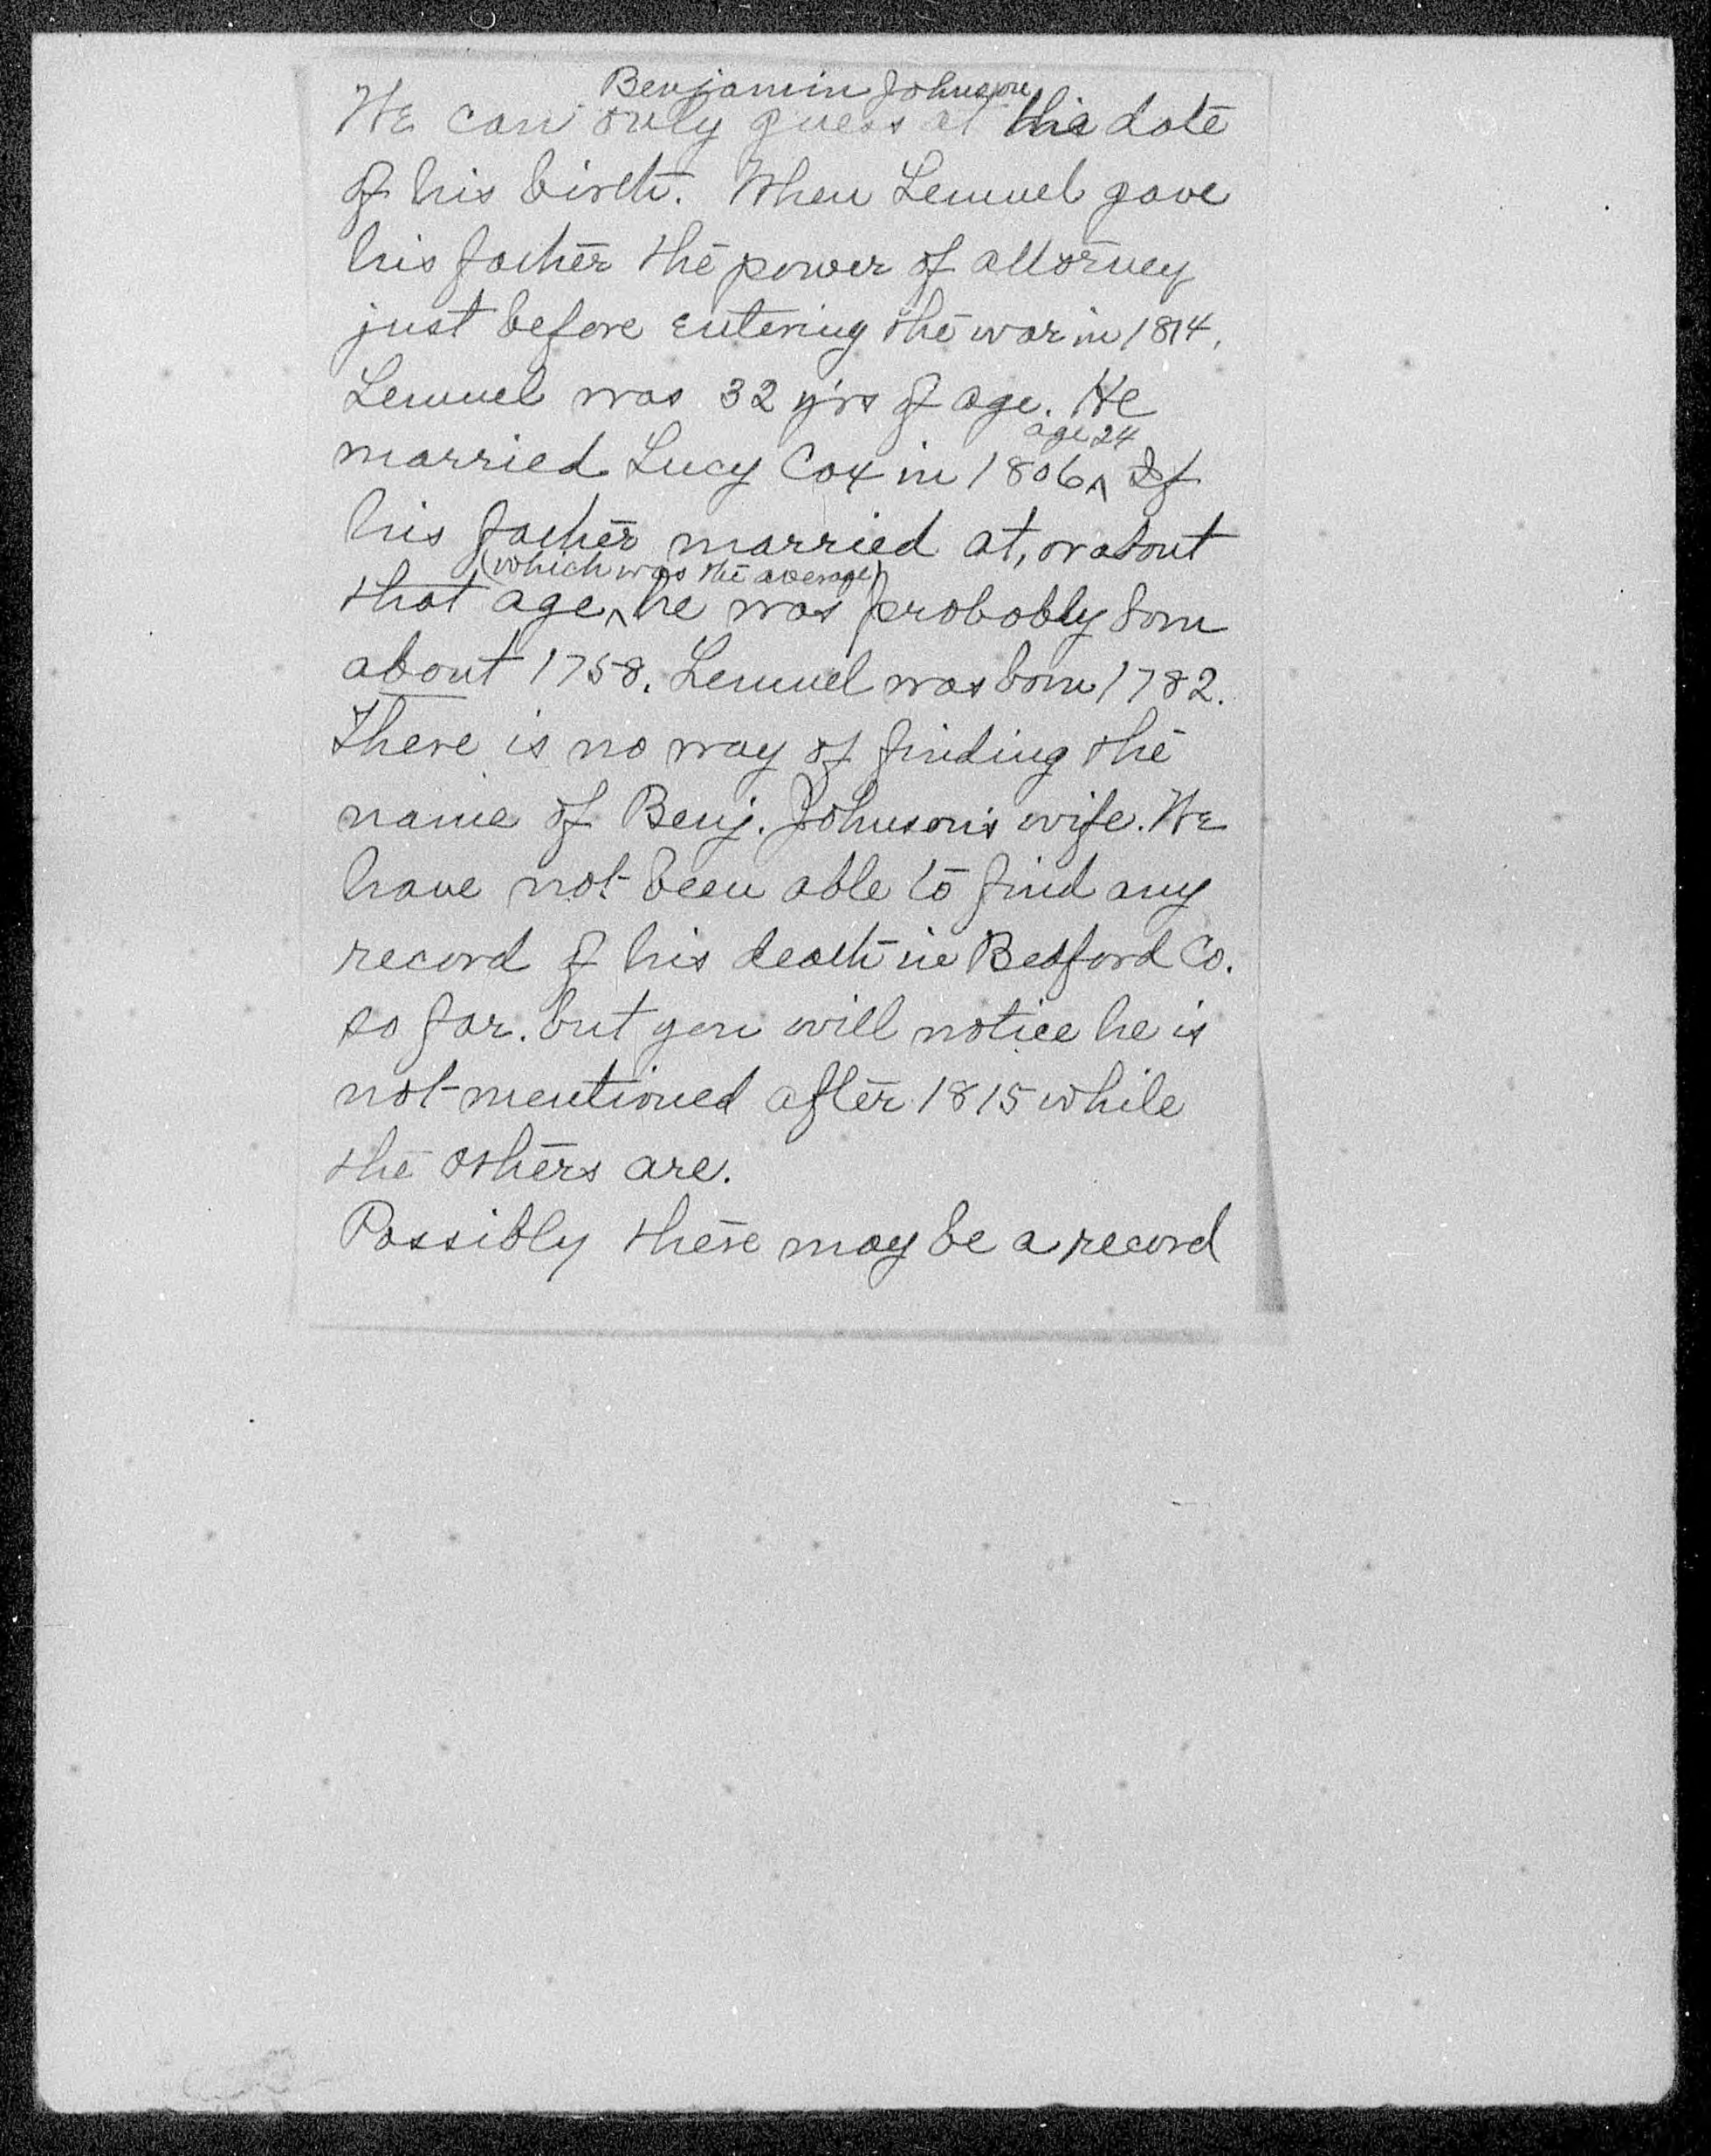Benjamin Johnson
We can only guess at the date of his birth. When Lemuel gave his father the power of attorney just before entering the war in 1814, Lemuel was 32 yrs of age. He married Lucy Cox in 1806 age 24. If his father married at or about that age  (which was the average) he was probably born about 1758. Lemuel was born 1782. There is no way of finding the name of Benj. Johnson's wife. We have not been able to find any record of his death in Bedford Co. so far, but you will notice he is not mentioned after 1815 while the others are.
Possibly there may be a record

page: 16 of 17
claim: rejected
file: R. 5674, for Benjamin Johnson, Virginia